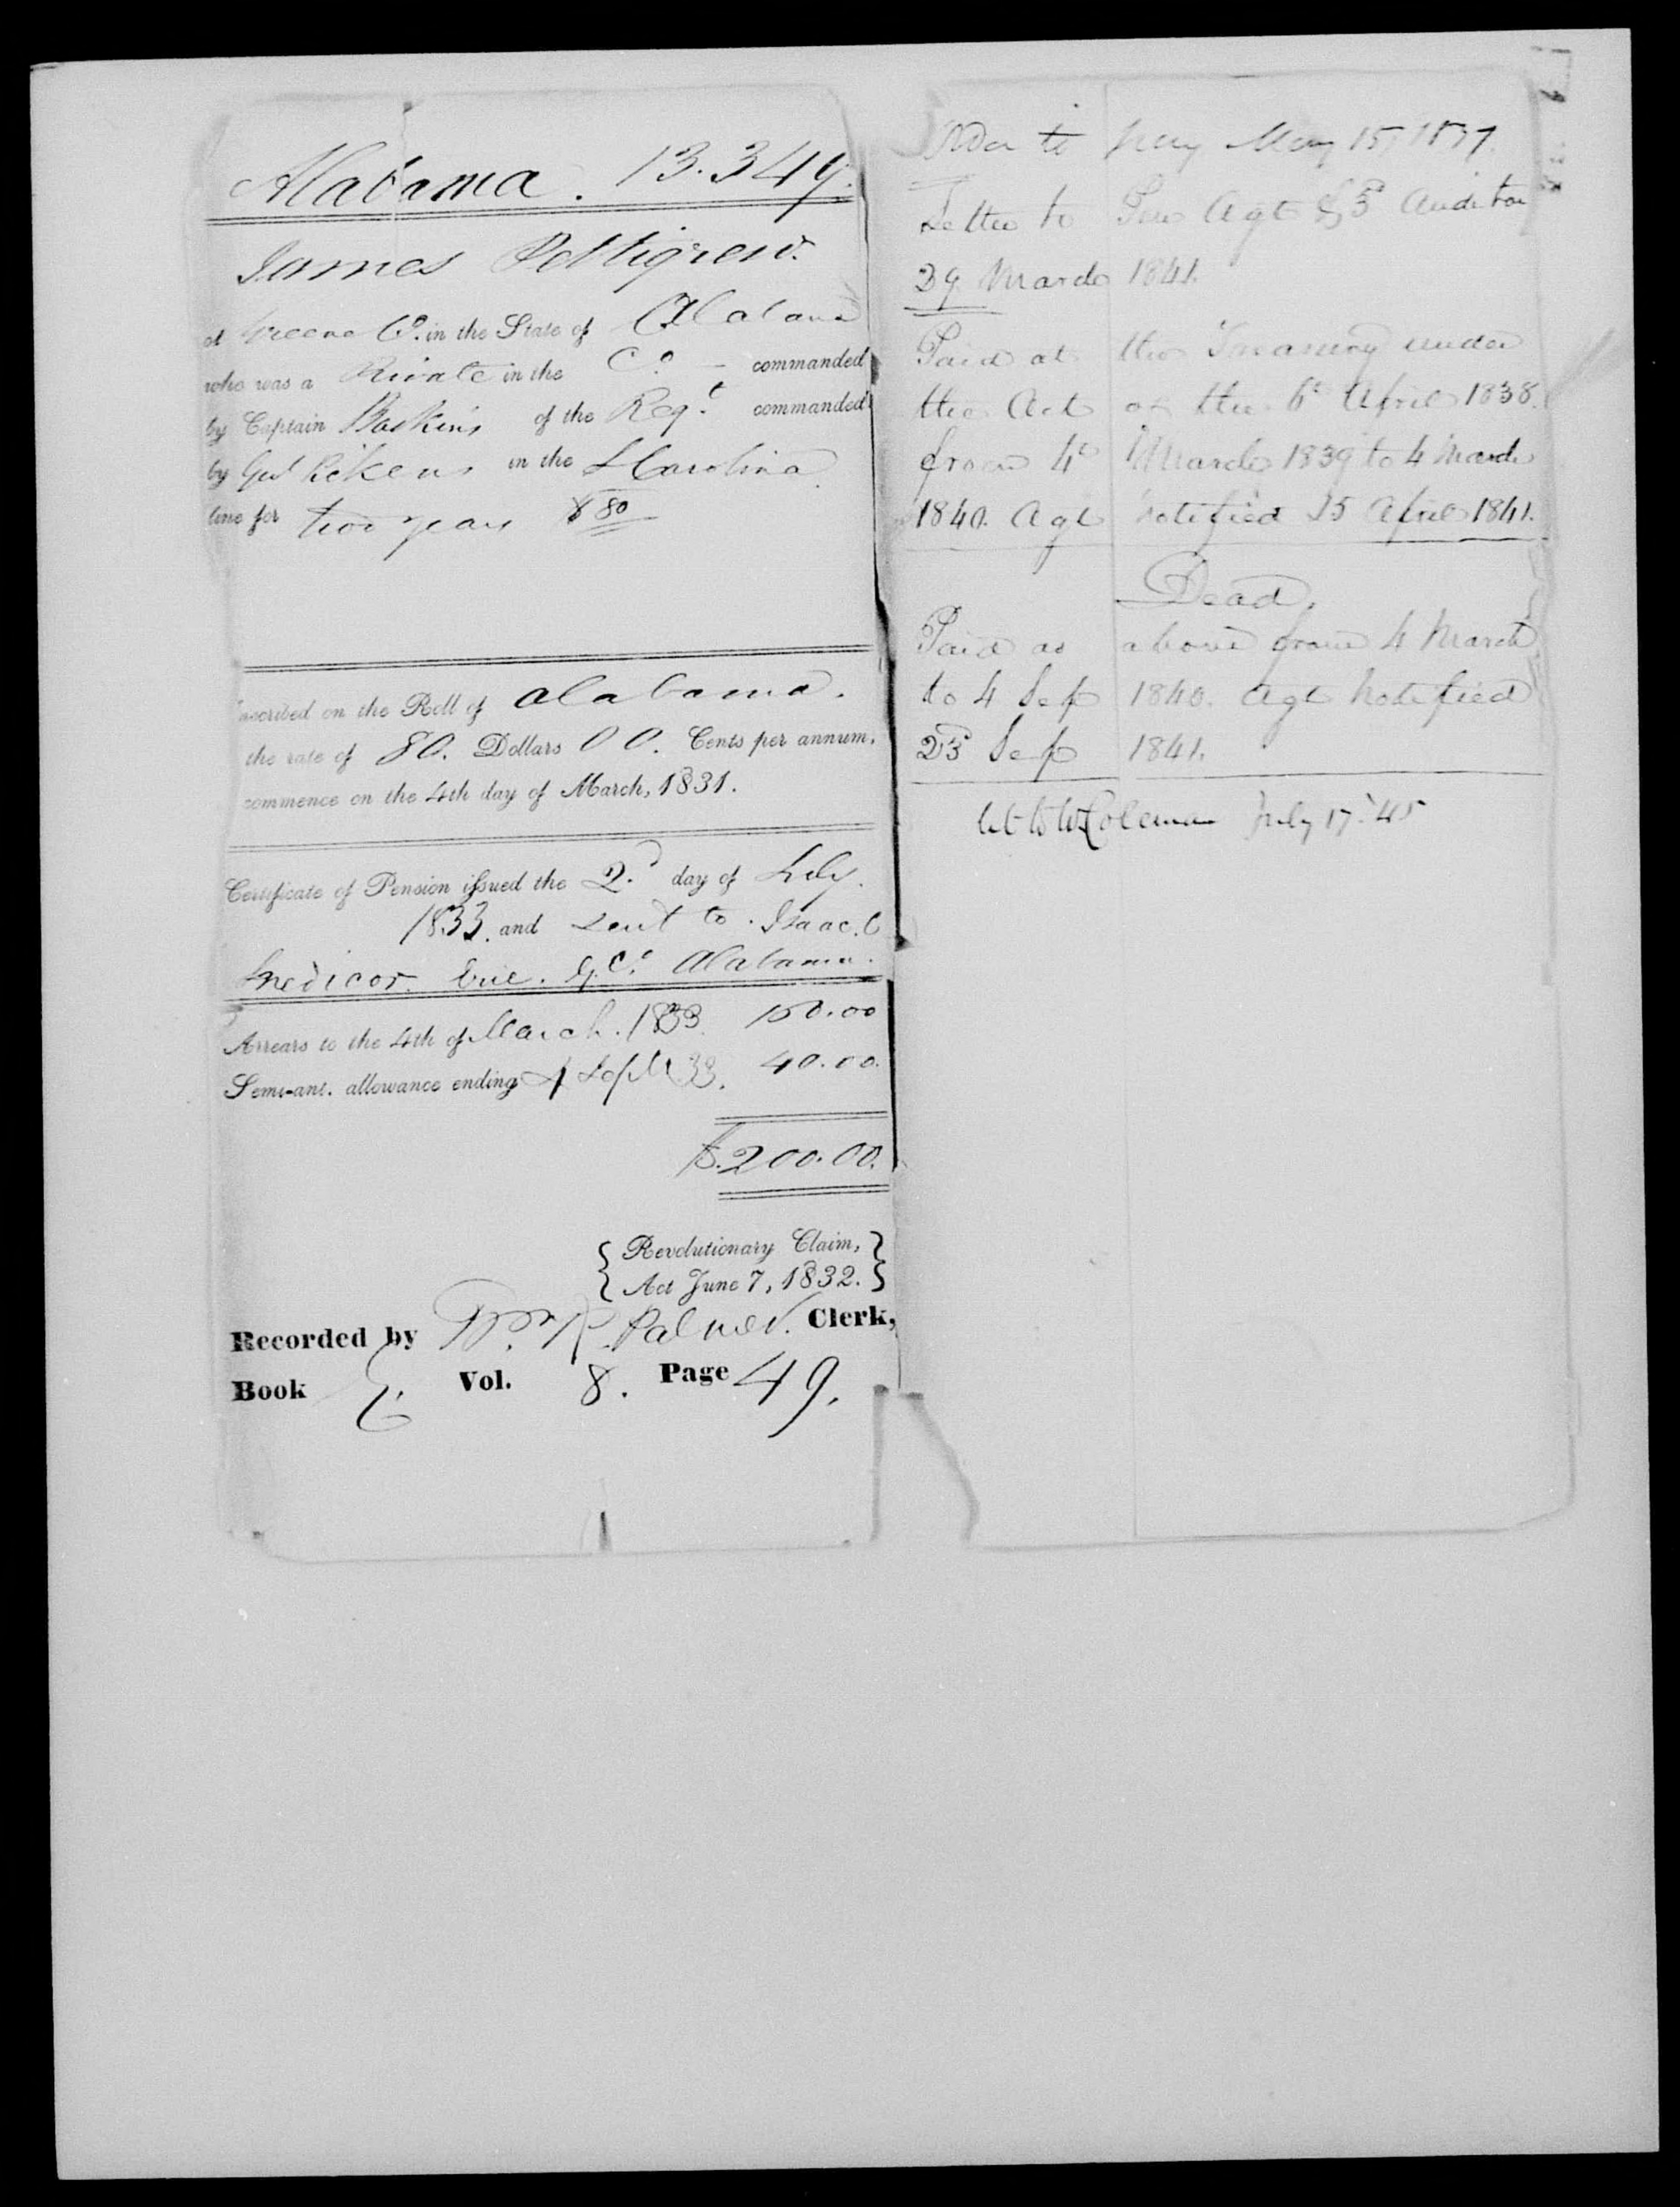[typed form, with handwritten responses]
[left side of page]
Alabama. 13.349

James Pettigrew.
of Greene Co. in the State of Alabama who was a private in the Co. commanded by Captain Barkins of the Reg. commanded by Genl Pickens in the Carolina line for two years $80

Subscribed on the Roll of Alabama. the rate of 80. Dollars 00. Cents per annum, commence on the 4th day of Match, 1834.

Certificate of Pension iSsued the 2'd. day of July. 1833. and sent to. Issac. C Snedicot. Erie. g.co. Alabama

Arears to the 4th of March. 1833. 100.00
Semi-anl. allowance ending 4 Sept 33. 40.00.
$200.00.
{Revolutionary Claim,
Act June 7, 1832.}
Recorded by No. R. Palmer. Clerk,
Book 3. Vol. 8. Page 49.

[right side of page]
Ma it sat May 15, 1837.
[illegible] to pay Agt. 83 [illegible] for ["24" underlined] March 1841.
Paid at this January under the Act of this 6rh April 1838. From 4th March 1839 to 4th March 1840. Agt notified 15 April 1841.

Dead. Paid at above from 4 March to 4 Sep 1840. Agt hodified 23 Sep 1841.

WC-W-WColeman July 17. -45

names: W Coleman; Isaac C Snedicor; Wm R Palmer; James Pettigrew; [BLANK] Pickens; [BLANK] Barkins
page: 2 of 92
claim: widow's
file: W. 5522, for James Pettigrew, South Carolina